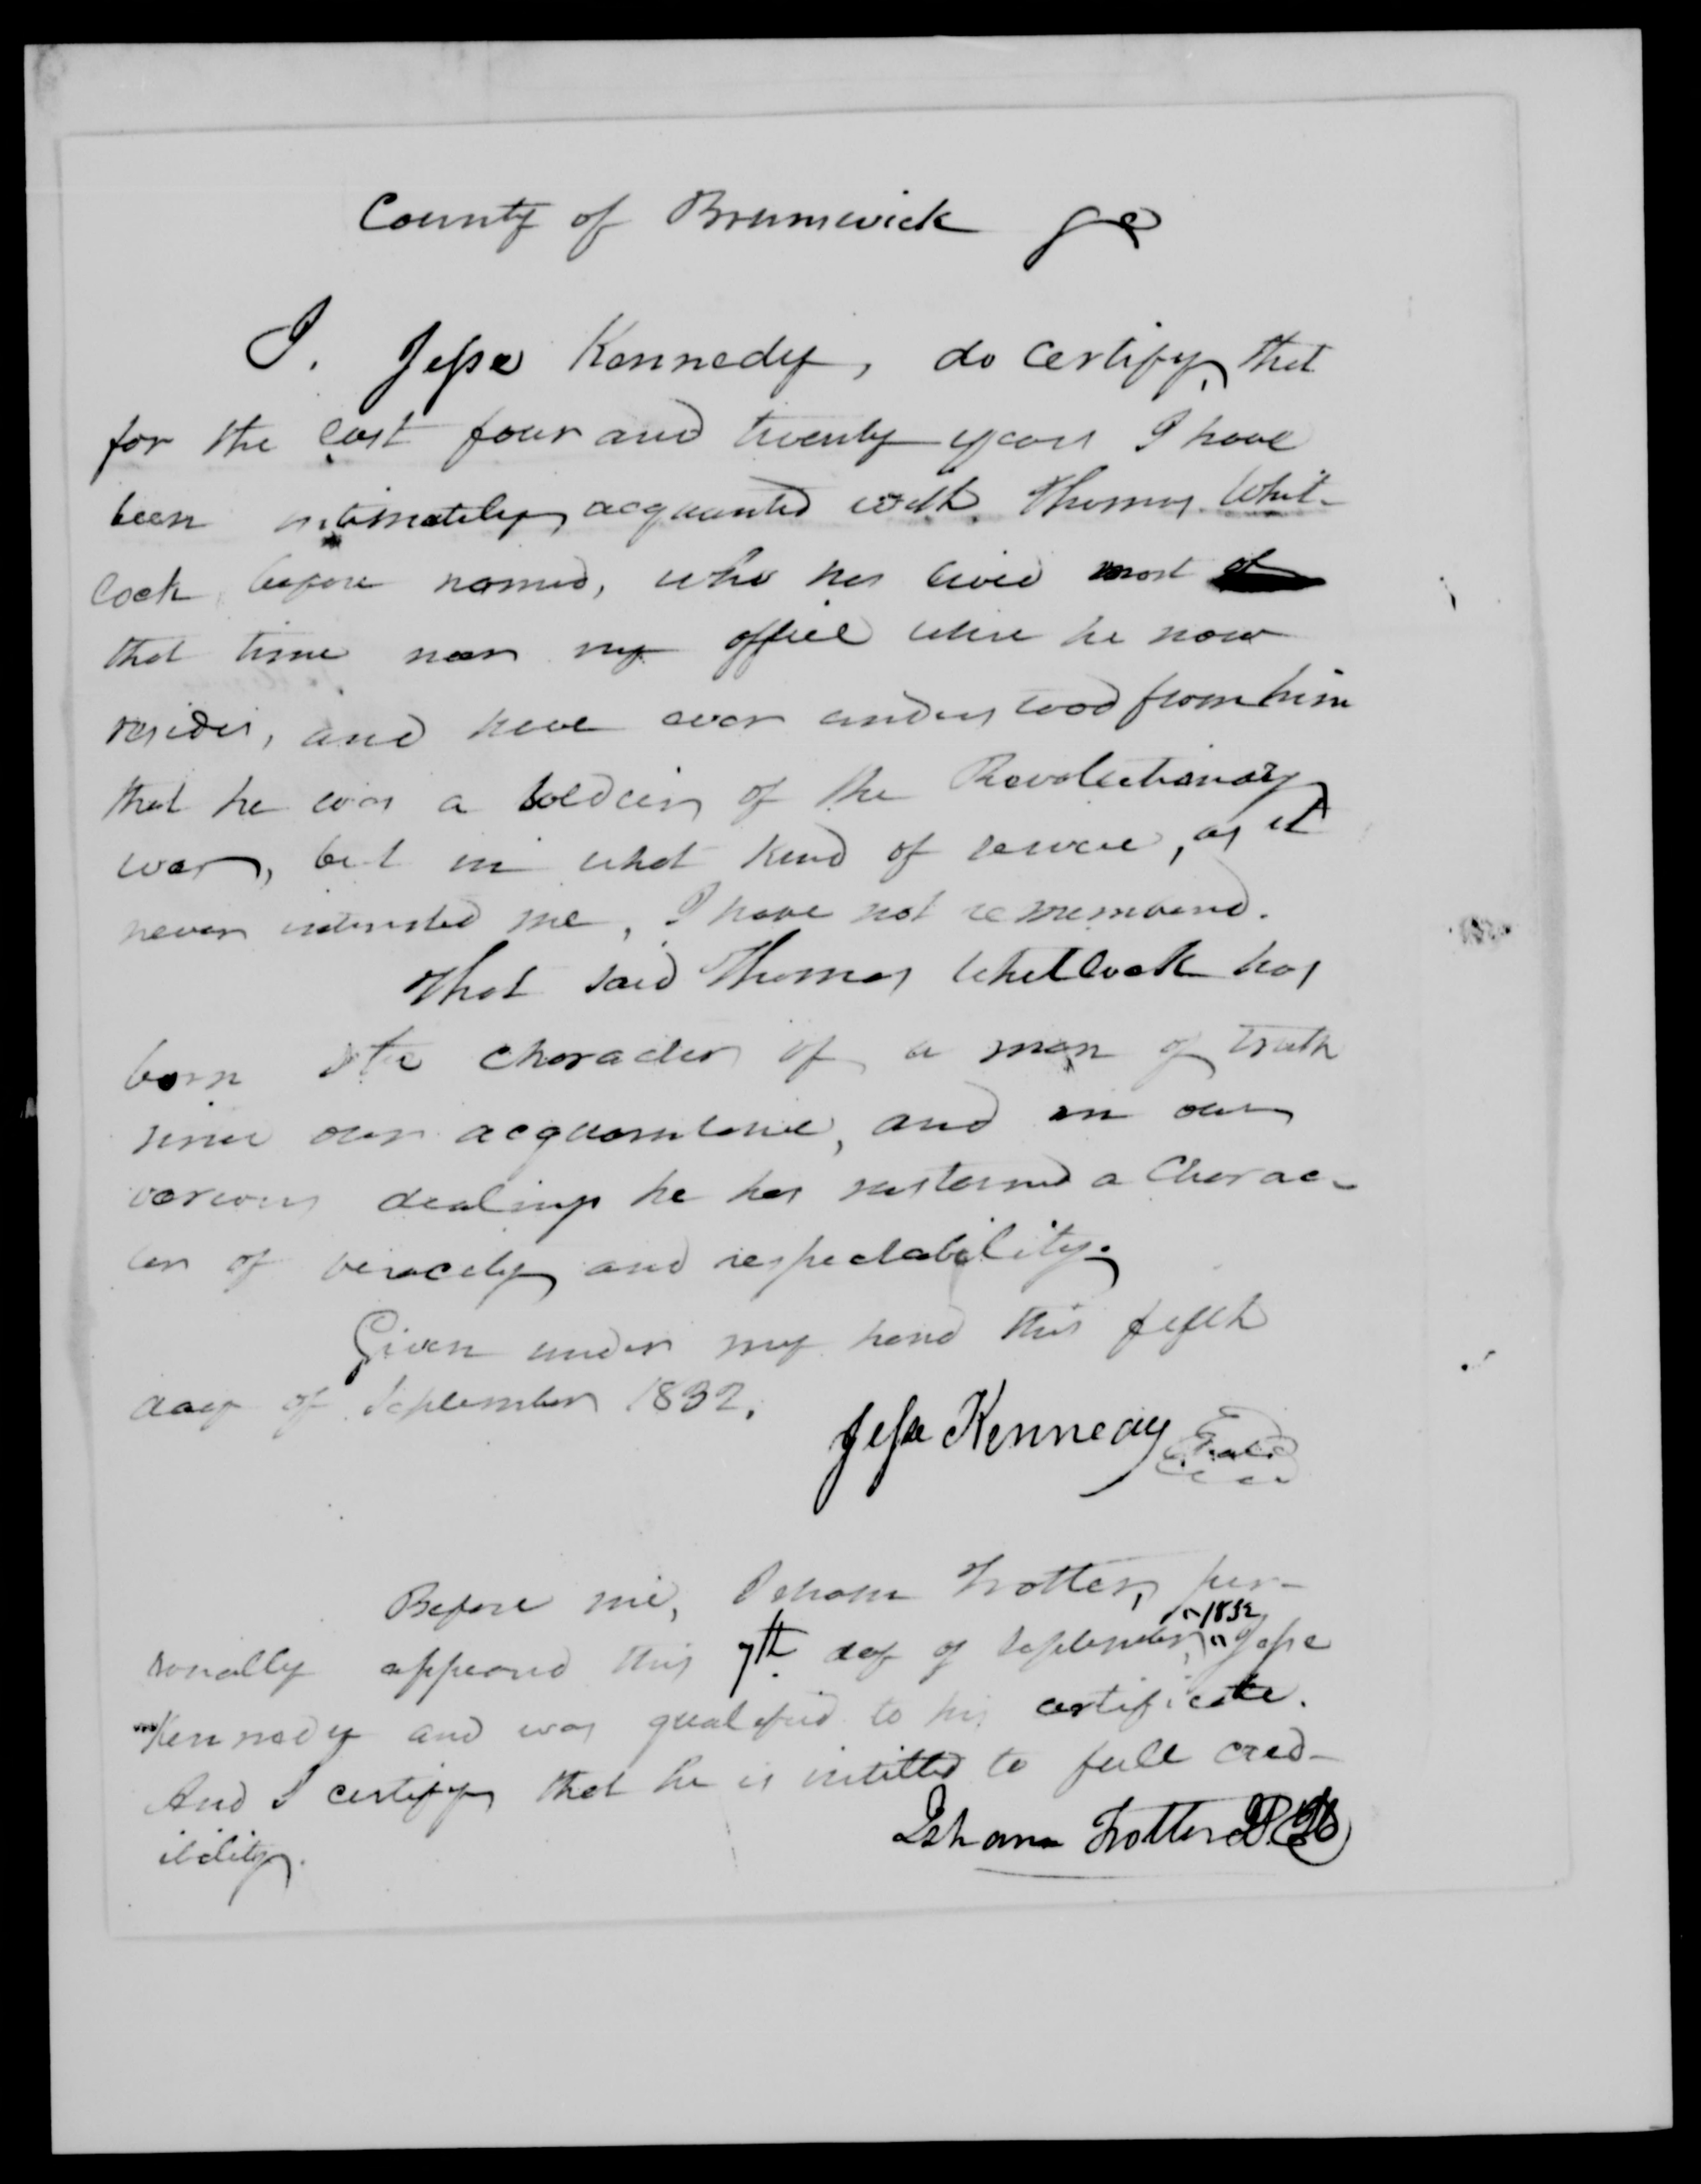County of Brunswick 
I Jesse Kennedy, do certify that for the last four and twenty years I have been intimately acquainted with Thomas Whitlock before named, who has lived most of that time near my office where he now resides, and have ever understood from him that he was a soldier of the Revolutionary war , but in what kind of service, as it never interested me, I have not remembered.
That said Thomas Whitlock his born the character of a man of truth in our acquaintance, and in various dealings he has returned a character of veracity and respectability. 
Given under my hand this fifth day of September 1832, Jesse Kennedy 

Before me, Isham Trotter. Personally, appeared this 7th day of September 1852, Jesse Kennedy and was qualified to his certificate. And I certify that he is entitled to full credibility. 
Isham Potter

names: Ishom Trotter, Thomas Whitlock, Jesse Kennedy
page: 10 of 32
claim: survivor's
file: S. 16020, Thomas Whitlock, Va.